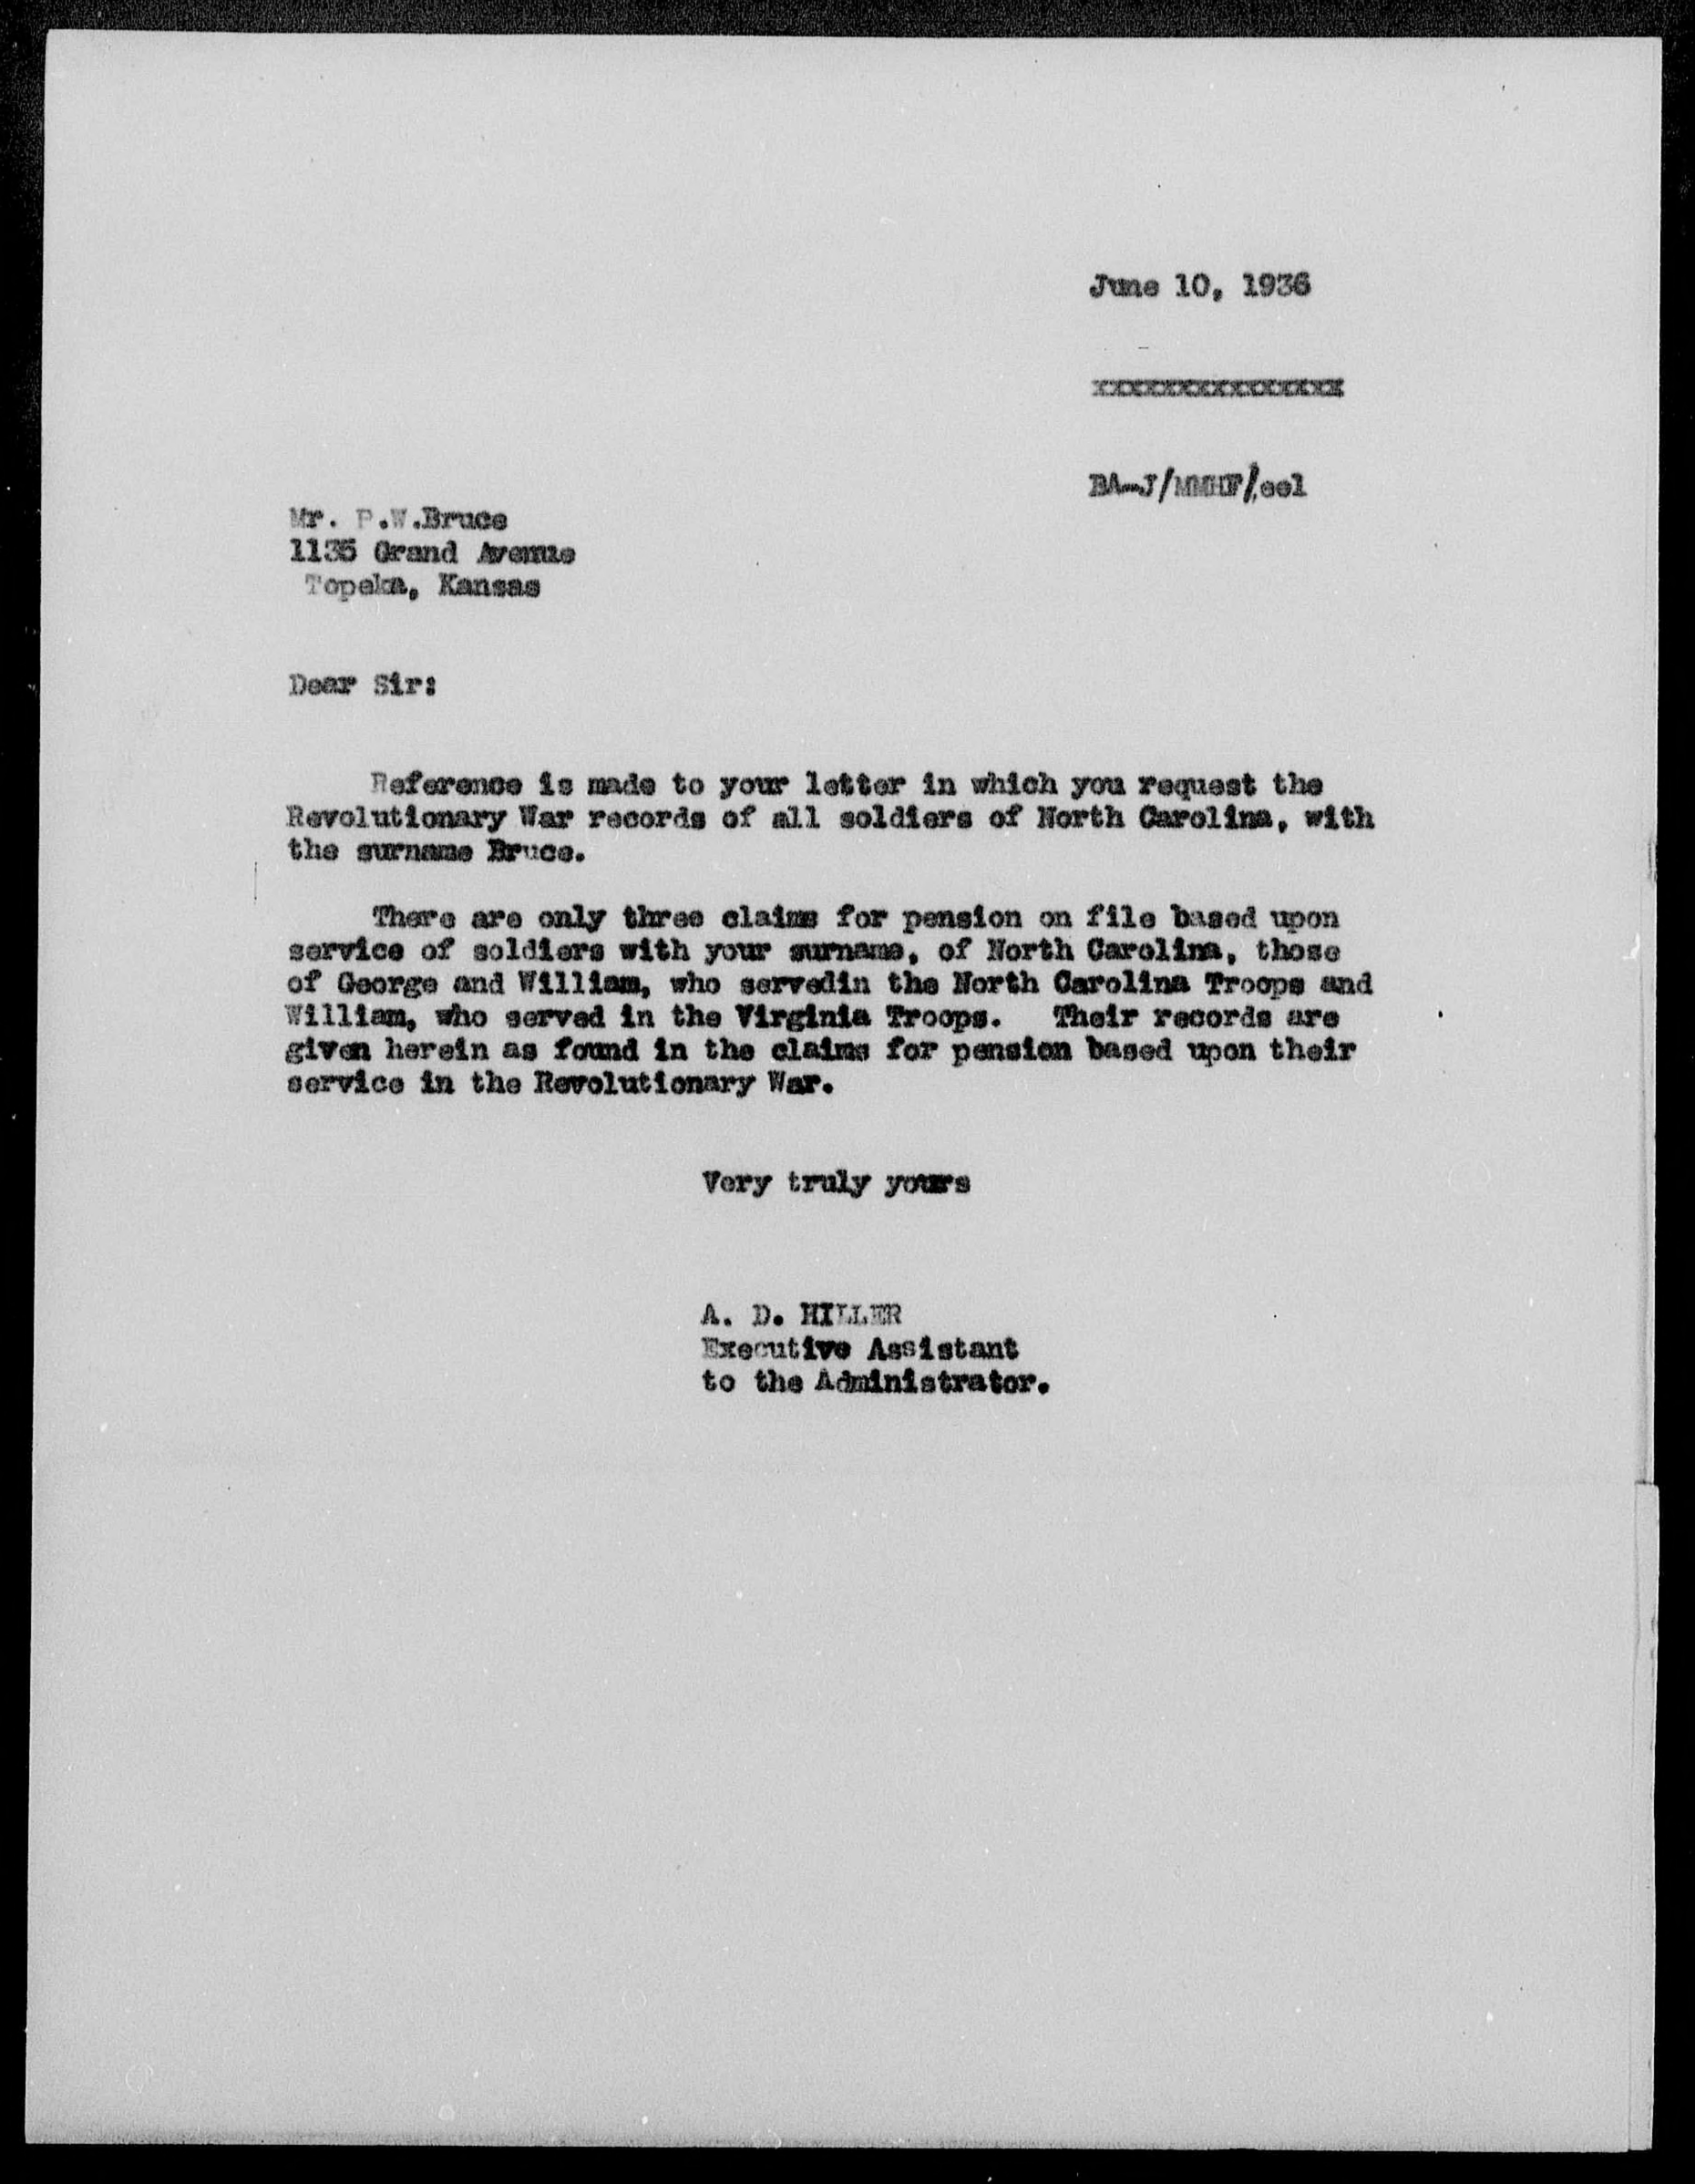[typed form]

June 10, 1936 

XXXXXXXXXXXX
BA-J/MMHF/eel

Mr. P.W. Bruce 
1135 Grand Avenue 
Topeka, Kansas 

Dear Sir: 

Reference is made to your letter in which you request the Revolutionary War records of all soldiers of North Carolina, with the surname Bruce. 

There are only three claims for pension on file based upon service of soldiers with your surname, of North Carolina, those of George and William, who served in the North Carolina Troops and William, who served in the Virginia Troops. Their records are given herein as found in the claims for pension based upon their service in the Revolutionary War. 

Very truly yours 

A. D. HILLER 
Executive Assistant 
to the Administrator.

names: William, George, Bruce, P W Bruce, A D Hiller, William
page: 36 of 54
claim: survivor's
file: S. 30287, William Bruce, N.C.